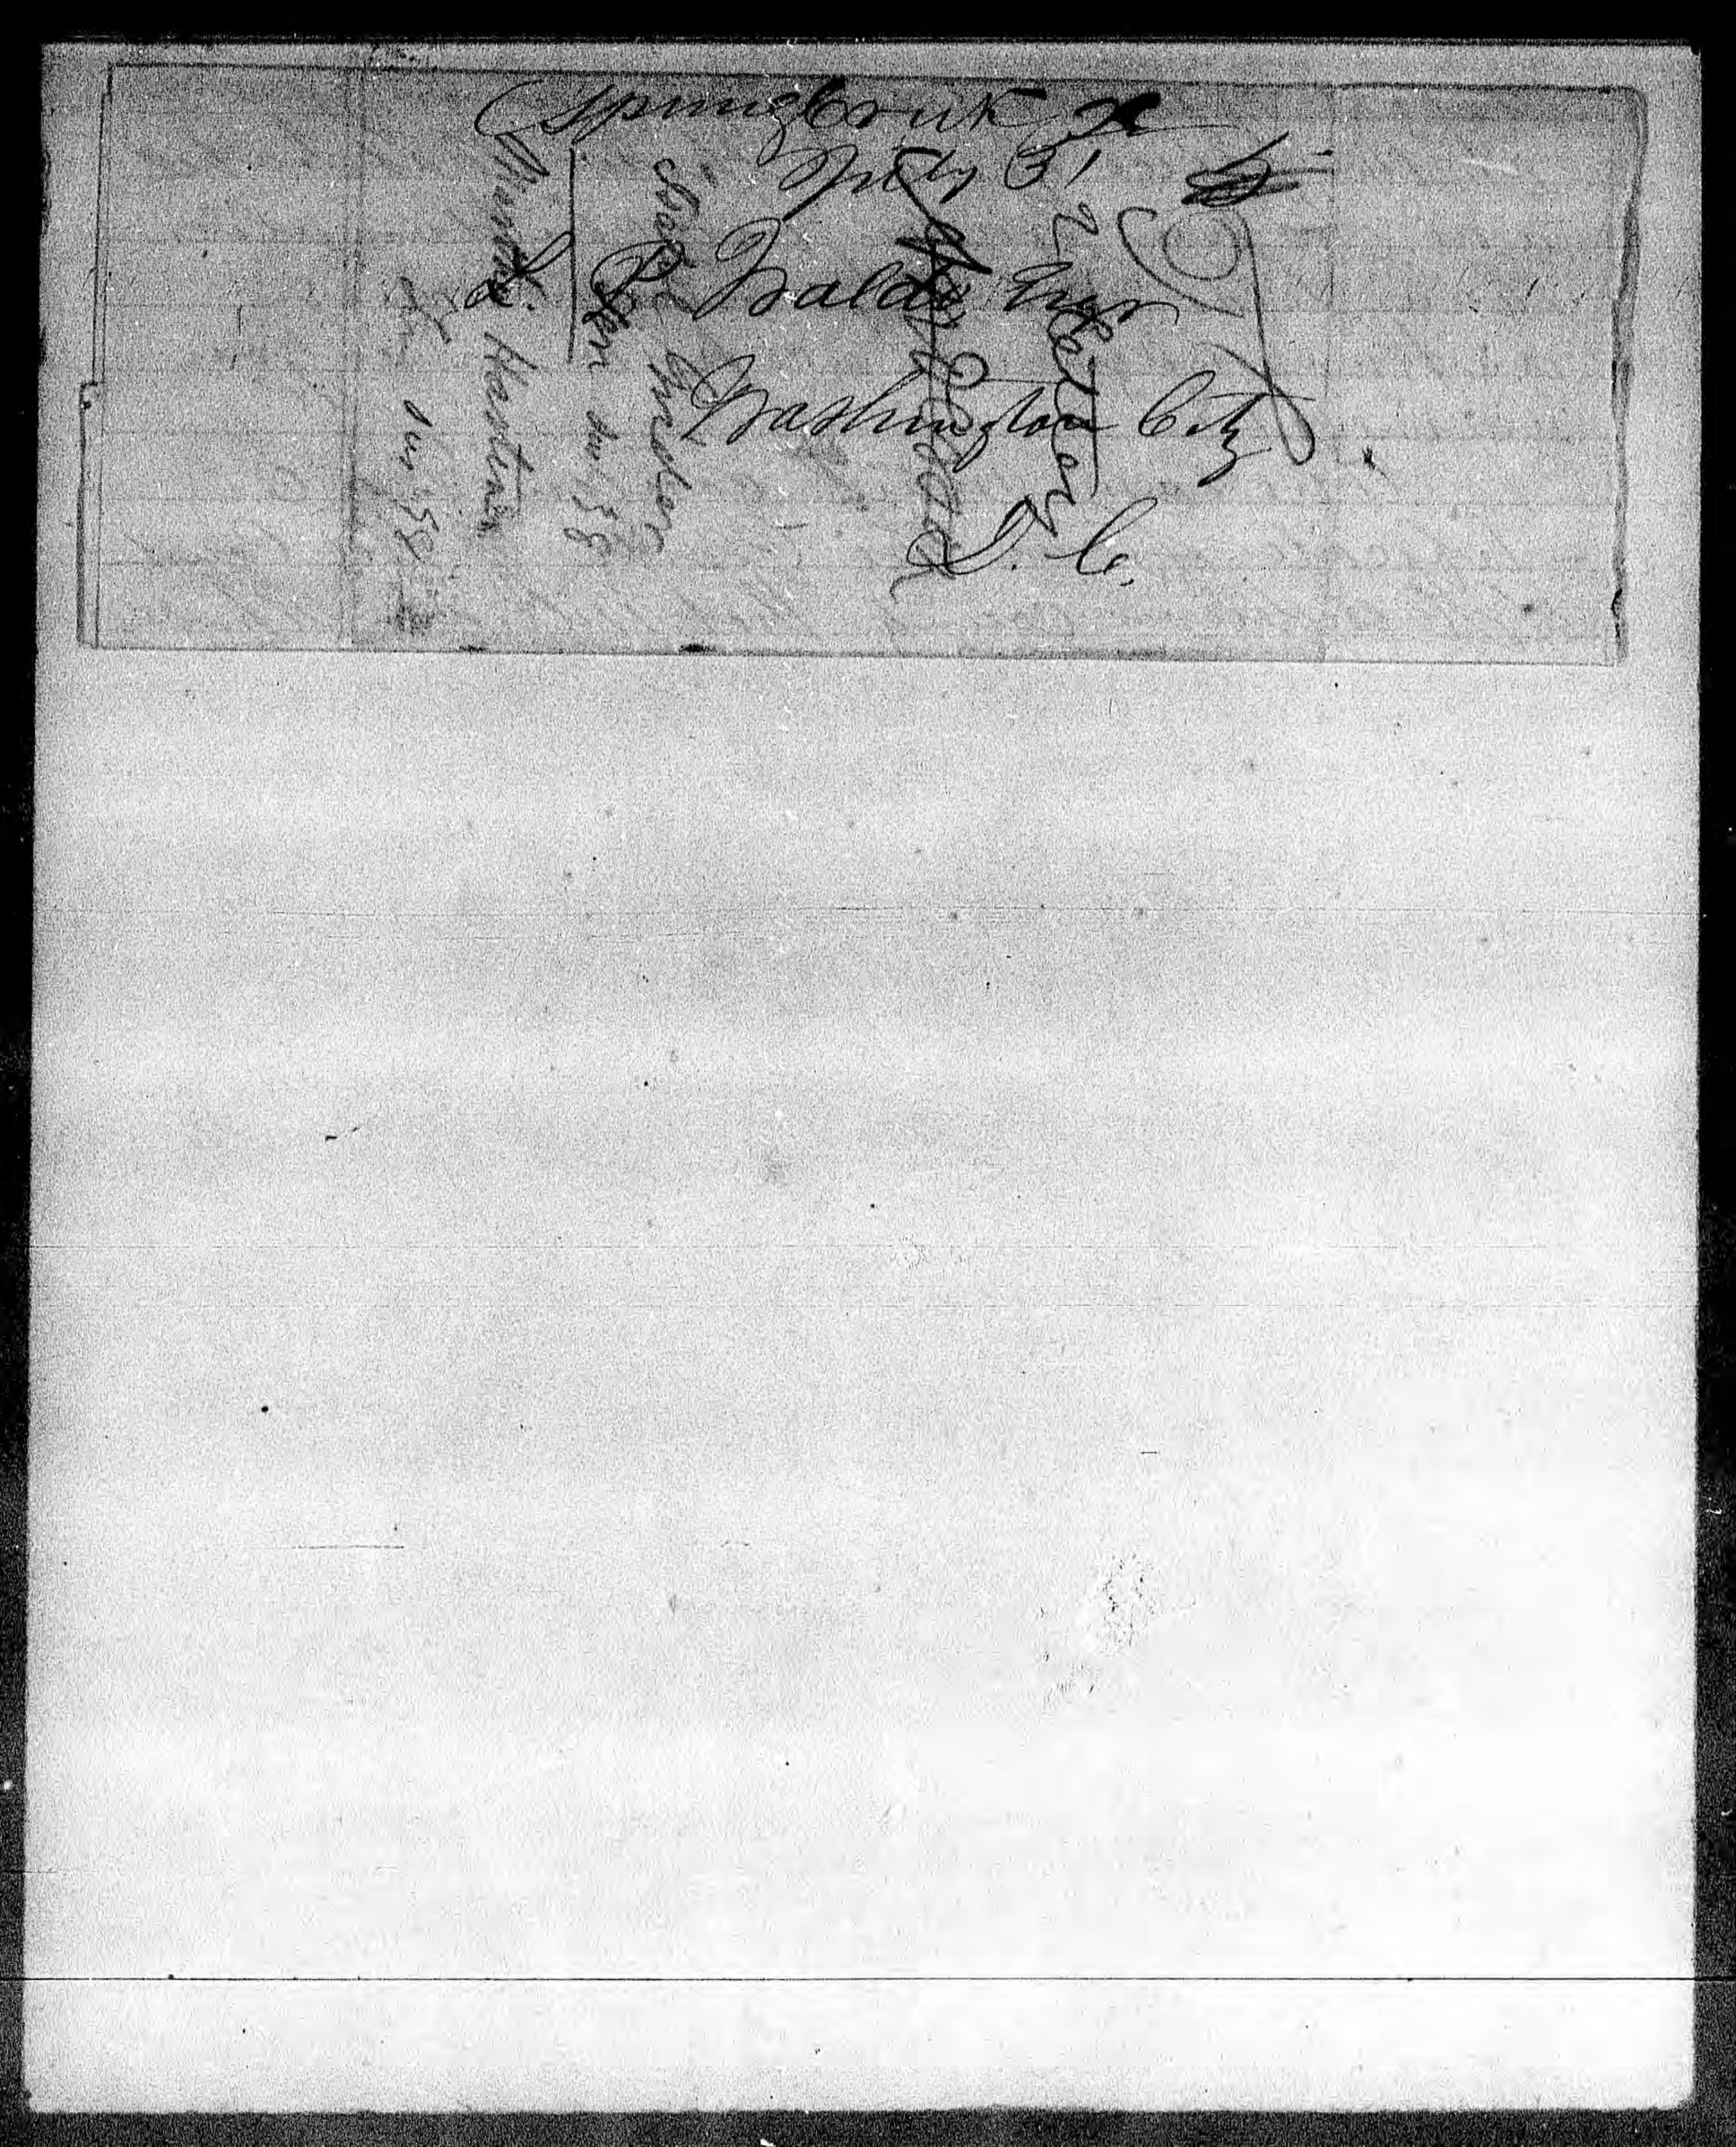Spring Creek Tn
July 31
 L. P. Waldo
Washington City
D.C.

[other writing illegible]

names: Isabel Grider, Martha Hasten, L P Waldo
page: 56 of 91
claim: widow's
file: W 358, John Grider, N.C.